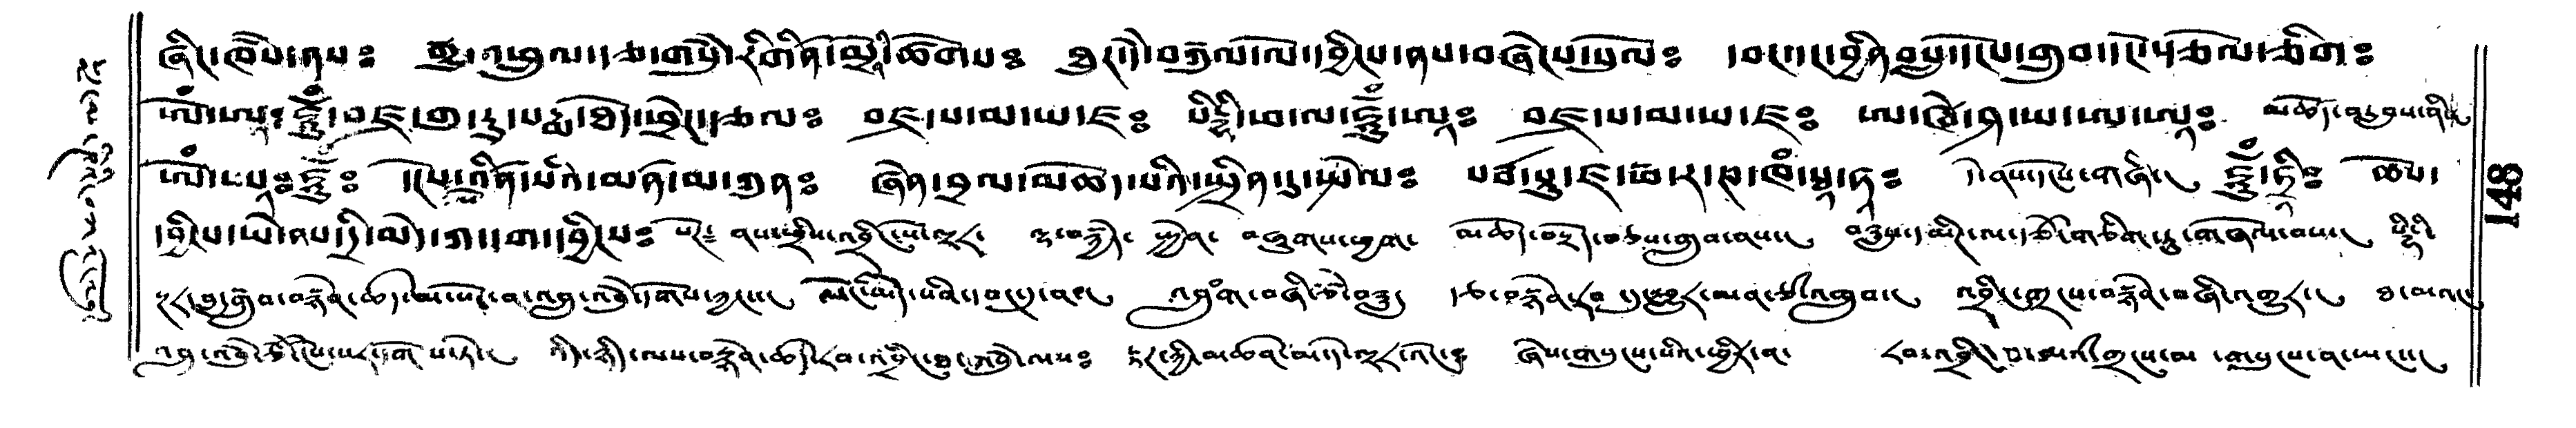ཞིང་ཁམས་ནས༔ སྒྱུ་འཕྲུལ་རྩ་གསུམ་རིག་འཛིན་མཁའ་འགྲོའི་ཚོགས༔ ཐུགས་དམ་བསྐུལ་ལོ་དབྱིངས་ནས་བཞེངས་སུ་གསོལ༔ དབང་དང་བྱིན་རླབས་དངོས་གྲུབ་སྩོལ་ཅིག༔ 
ཨོཾ་ཨཱཿཧཱུྃ་བཛྲ་གུ་རུ་པདྨ་ཐོད་ཕྲེང་རྩལཿ བཛྲ་ས་མ་ཡ་ཛཿ སིདྡྷི་ཕ་ལ་ཧཱུྃ་ཨཱ༔ བཛྲ་ས་མ་ཡ་ཛ༔ ཨ་ཝེ་ཤ་ཡ་ཨ་ཨཱ༔ མཆོད་རྫས་བྱིན་རླབས་ནི། 
ཨོཾ་ཨཱཿཧཱུྃ༔ དངོས་པོར་འཛིན་པའི་མཚན་མ་ཀུན༔ ཞེན་བྲལ་མཆོད་པའི་སྤྲིན་དུ་སྤེལ༔ སརྦ་པཱུ་ཛ་སྥ་ར་ཎ་ཁཾ་སྭ་ཧཱ༔ དེ་ནས་དངོས་གཞི། ཧཱུྃ་ཧྲཱི༔ ཆོས་
དབྱིངས་ཡེ་ནས་དྲི་མེད་ཀ་དག་དབྱིངས༔ སོགས་ནས་ཕྲིན་ལས་འབྲིང་པོ་ལྟར། ལྷ་བསྐྱེད། སྤྱན་འདྲེན། བཞུགས་ཕྱག མཆོད་བསྟོད་བཅས་གྲུབ་ནས། བཟླས་དམིགས་ལ་རྩེ་གཅིག་ཏུ་གཞོལ་བས་སིདྡྷི་
སྔར་བླ་སྒྲུབ་བསྙེན་ཚད་མ་སོང་ན་འབྲུ་འབུམ་དགོས་ཀྱང་ལོང་མེད་པའི་དབང་དུ་ན། འབུམ་ཕྲག་མ་བཞི་ཙམ་བཟླ། རྩ་བསྙེན་རབ་དུང་ཕྱུར་མན་ཅི་འགྲུབ། འབྲིང་གྲངས་བསྙེན་བཞི་འགྱུར། ཐ་མའང་
འབྲུ་འབུམ་ཙམ་ངེས་པར་དགོས་ཏེ། འདི་ཉིད་ལས། བསྙེན་ཚད་རབ་འབྲིང་ཐ་གསུམ་ལས༔ རྟགས་ཀྱི་མཚན་མ་དེ་ལྟར་འོང༔ ཞེས་གསུངས་པའི་ཕྱིར་ན། རབ་འབྲིང་ཐ་མའི་གྲངས་མ་གསུངས་ནས་ཡང་།